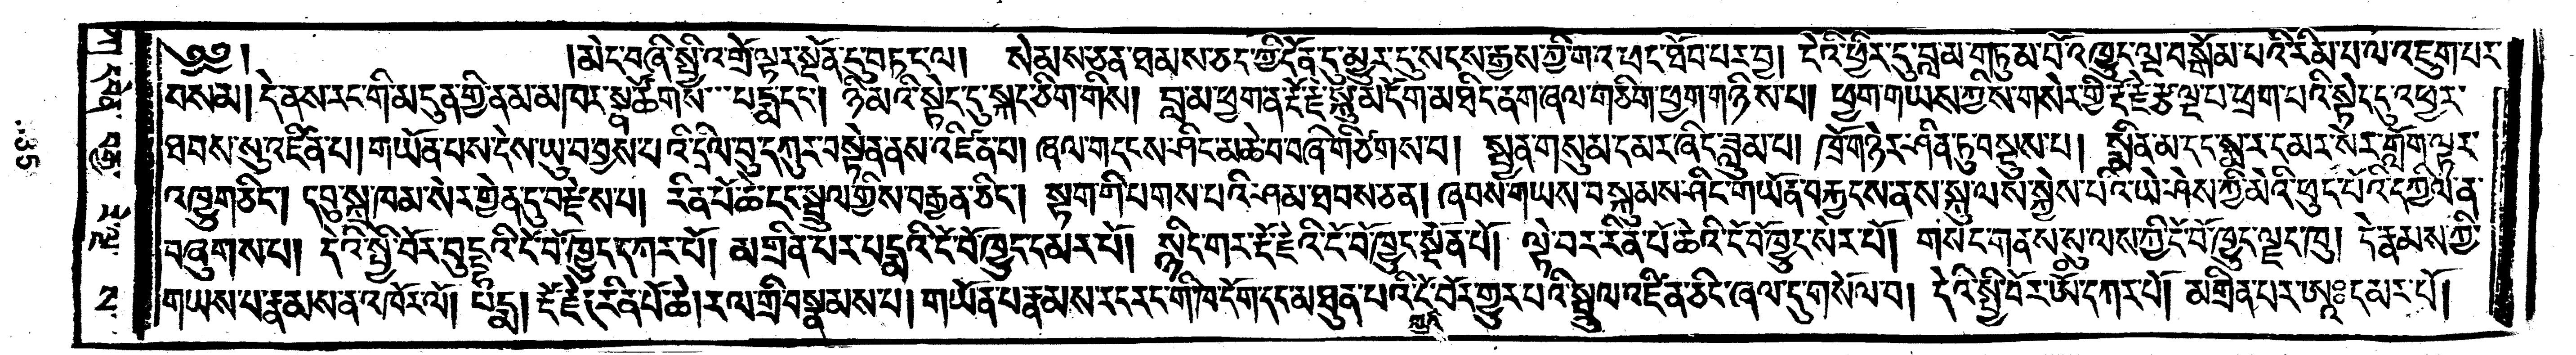༄༅། །མེད་བཞི་སྤྱི་འགྲོ་ལྟར་སྔོན་དུ་བཏང་ལ། སེམས་ཅན་ཐམས་ཅད་ཀྱི་དོན་དུ་མྱུར་དུ་སངས་རྒྱས་ཀྱི་ག་འཕང་ཐོབ་པར་བྱ། དེའི་ཕྱིར་དུ་བླ་མ་གཏུམ་པོ་འཁྱུང་ལྔ་བསྒོམ་པའི་རིམ་པ་ལ་འཇུག་པར་
བསམ། དེ་ནས་རང་གི་མདུན་གྱི་ནམ་མཁར་སྣ་ཚོགས་པདམ་དང་། ཉི་མའི་སྟེང་དུ་སྐད་ཅིག་གིས། བླ་མ་ཕྱག་ན་རྡོ་རྗེ་སྐུ་མདོག་མཐིང་ནག་ཞལ་གཅིག་ཕྱག་གཉིས་པ། ཕྱག་གཡས་ཀྱིས་གསེར་གྱི་རྡོ་རྗེ་རྩ་ལྔ་པ་ཕྲག་པའི་སྟེང་དུ་འཕྱར་
ཐབས་སུ་འཛིན་པ། གཡོན་པས་དེས་ཡུ་བ་བྱས་པའི་དྲིལ་བུ་དཀུར་བསྟེན་ནས་འཛིན་པ། ཞལ་གདངས་ཤིང་མཆེ་བ་བཞི་གཙིགས་པ། སྤྱན་གསུམ་དམར་ཞིང་ཟླུམ་པ། ཁྲོ་གཉེར་ཤིན་ཏུ་བསྡུས་པ། སྨིན་མ་དང་སྨ་ར་དམར་སེར་གློག་ལྟར་
འཁྱུག་ཅིང་། དབུ་སྐྲ་ཁམ་སེར་གྱེན་དུ་བརྫེས་པ། རིན་པོ་ཆེ་དང་སྦྲུལ་གྱིས་བརྒྱན་ཅིང་། སྟག་གི་པགས་པའི་ཤམ་ཐབས་ཅན། ཞབས་གཡས་བསྐུམས་ཤིང་གཡོན་བརྐྱངས་ནས་སྐུ་ལས་སྐྱེས་པའི་ཡེ་ཤེས་ཀྱི་མེའི་ཕུང་པོའི་དཀྱིལ་ན་
བཞུགས་པ། དེའི་སྤྱི་བོར་བུདྡྷའི་ངོ་བོ་ཁྱུད་དཀར་པོ། མགྲིན་པར་པདམའི་ངོ་བོ་ཁྱུང་དམར་པོ། སྙིང་གར་རྡོ་རྗེའི་ངོ་བོ་ཁྱུད་སྔོན་པོ། ལྟེ་བར་རིན་པོ་ཆེའི་ངོ་བོ་ཁྱུང་སེར་པོ། གསང་གནས་སུ་ལས་ཀྱི་ངོ་བོ་ཁྱུང་ལྗང་ཁུ། དེ་རྣམས་ཀྱི་
གཡས་པ་རྣམས་ན་འཁོར་ལོ། པདམ། རྡོ་རྗེ༑ རིན་པོ་ཆེ། རལ་གྲི་བསྣམས་པ། གཡོན་པ་རྣམས་རང་རང་གི་ཁ་དོག་དང་མཐུན་པའི་ཀླུའི་ངོ་བོར་གྱུར་པའི་སྤྲུལ་འཛིན་ཅིང་ཞལ་དུ་གསོལ་བ། དེའི་སྤྱི་བོར་ཨོཾ་དཀར་པོ། མགྲིན་པར་ཨཱཿ དམར་པོ།